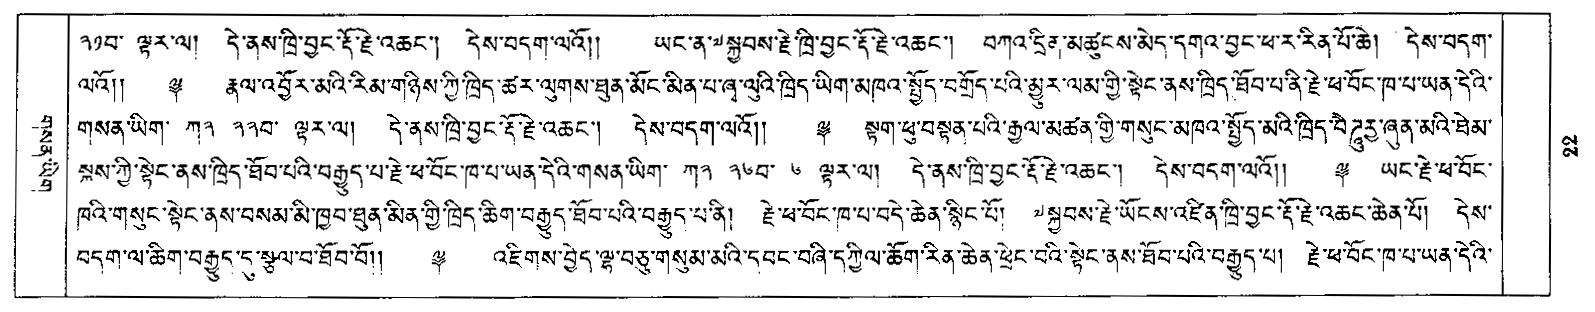༢༡་བ་ལྟར་ལ། དེ་ནས་ཁྲི་བྱང་རྡོ་རྗེ་འཆང་། དེས་བདག་ལའོ།། ཡང་ན་༧་སྐྱབས་རྗེ་ཁྲི་བྱང་རྡོ་རྗེ་འཆང་། བཀའ་དྲིན་མཚུངས་མེད་དགའ་བྱང་ཕ་ར་རིན་པོ་ཆེ། དེས་བདག་
ལའོ།། ༈ རྣལ་འབྱོར་མའི་རིམ་གཉིས་ཀྱི་ཁྲིད་ཚར་ལུགས་ཐུན་མོང་མིན་པ་ཞྭ་ལུའི་ཁྲིད་ཡིག་མཁའ་སྤྱོད་བགྲོད་པའི་མྱུར་ལམ་གྱི་སྟེང་ནས་ཁྲིད་ཐོབ་པ་ནི་རྗེ་ཕ་བོང་ཁ་པ་ཡན་དེའི་
གསན་ཡིག་ཀ ༢ ༢༢་བ་ལྟར་ལ། དེ་ནས་ཁྲི་བྱང་རྡོ་རྗེ་འཆང་། དེས་བདག་ལའོ།། ༈ སྟག་ཕུ་བསྟན་པའི་རྒྱལ་མཚན་གྱི་གསུང་མཁའ་སྤྱོད་མའི་ཁྲིད་བཻཌཱུ་རྱ་ཞུན་མའི་ཐེམ་
སྐས་ཀྱི་སྟེང་ནས་ཁྲིད་ཐོབ་པའི་བརྒྱུད་པ་རྗེ་ཕ་བོང་ཁ་པ་ཡན་དེའི་གསན་ཡིག་ཀ ༢ ༢༦་བ ༦་ལྟར་ལ། དེ་ནས་ཁྲི་བྱང་རྡོ་རྗེ་འཆང་། དེས་བདག་ལའོ།། ༈ ཡང་རྗེ་ཕ་བོང་
ཁའི་གསུང་སྟེང་ནས་བསམ་མི་ཁྱབ་ཐུན་མིན་གྱི་ཁྲིད་ཆིག་བརྒྱུད་ཐོབ་པའི་བརྒྱུད་པ་ནི། རྗེ་ཕ་བོང་ཁ་པ་བདེ་ཆེན་སྙིང་པོ། ༧་སྐྱབས་རྗེ་ཡོངས་འཛིན་ཁྲི་བྱང་རྡོ་རྗེ་འཆང་ཆེན་པོ། དེས་
བདག་ལ་ཆིག་བརྒྱུད་དུ་སྩལ་བ་ཐོབ་བོ།། ༈ འཇིགས་བྱེད་ལྷ་བཅུ་གསུམ་མའི་དབང་བཞི་དཀྱིལ་ཆོག་རིན་ཆེན་ཕྲེང་བའི་སྟེང་ནས་ཐོབ་པའི་བརྒྱུད་པ། རྗེ་ཕ་བོང་ཁ་པ་ཡན་དེའི་